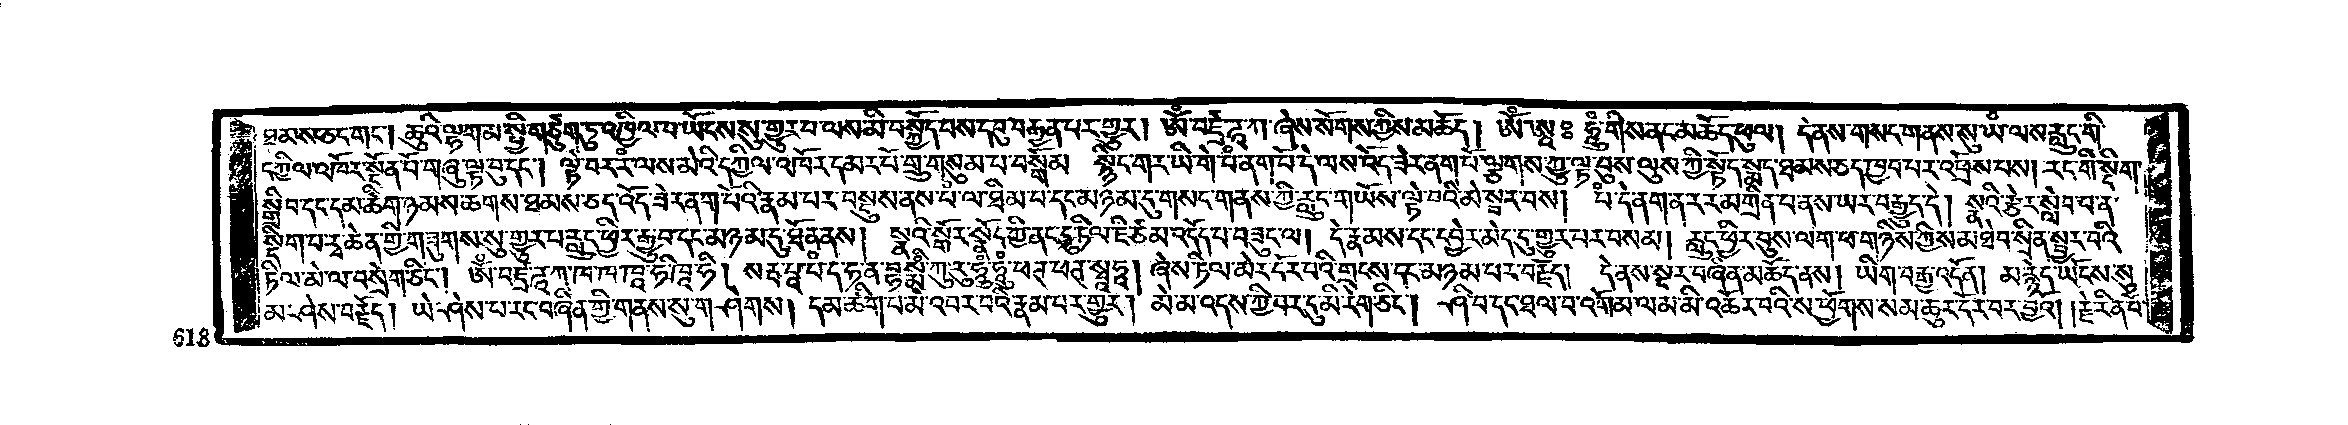ཐམས་ཅད་གང་། ཆུའི་ལྷག་མ་སྤྱི་གཙུག་ཏུ་འཁྱིལ་བ་ཡོངས་སུ་གྱུར་པ་ལས་མི་བསྐྱོད་པས་དབུ་བརྒྱན་པར་གྱུར། ཨོཾ་བཛྲ་ཌཱ་ཀ་ཞེས་སོགས་ཀྱིས་མཆོད། ཨོཾ་ཨཱཿ ཧཱུཾ་གིས་ནང་མཆོད་ཕུལ། དེ་ནས་གསང་གནས་སུ་ཡཾ་ལས་རླུང་གི་
དཀྱིལ་འཁོར་སྔོན་པོ་གཞུ་ལྟ་བུ་དང་། ལྟེ་བར་རཾ་ལས་མེའི་དཀྱིལ་འཁོར་དམར་པོ་གྲུ་གསུམ་པ་བསྒོམ། སྙིང་གར་ཡི་གེ་པཾ་ནག་པོ་དེ་ལས་འོད་ཟེར་ནག་པོ་ལྕགས་ཀྱུ་ལྟ་བུས་ལུས་ཀྱི་སྟོད་སྨད་ཐམས་ཅད་ཁྱབ་པར་འཕྲོས་པས། རང་གི་སྡིག་
སྒྲིབ་དང་དམ་ཚིག་ཉམས་ཆགས་ཐམས་ཅད་འོད་ཟེར་ནག་པོའི་རྣམ་པར་བསྡུས་ནས་པཾ་ལ་ཐིམ་པ་དང་མཉམ་དུ་གསང་གནས་ཀྱི་རླུང་གཡོས་ལྟེ་བའི་མེ་སྦར་བས། པཾ་དེ་ནག་ན་ར་ར་མགྲིན་པ་ནས་ཡར་བརྒྱུད་དེ། སྣའི་རྩེར་སླེབ་པ་ན་
སྡིག་པ་རྭ་ཆེན་གྱི་གཟུགས་སུ་གྱུར་པ་རླུང་ཕྱིར་རྒྱུ་བ་དང་མཉམ་དུ་ཐོན་ནས། སྣའི་སྒོར་སྣོད་ཀྱི་ནང་དུ་ཏིལ་ཇི་ཙམ་འདོད་པ་བཟུང་ལ། དེ་རྣམས་དང་དབྱེར་མེད་དུ་གྱུར་པར་བསམ། རླུང་ཕྱིར་བུས་ལག་པ་གཉིས་ཀྱིས་མཐེབ་སྲིན་སྦྱར་བའི་
ཏིལ་མེ་ལ་བསྲེག་ཅིང་། ཨོཾ་བཛྲ་ཌཱ་ཀ་ཁ་ཁ་ཁཱ་ཧི་ཁཱ་ཧི། སརྦ་པཱ་པཾ་དེ་ཧ་ན་བྷ་སྨི་ཀུ་རུ་ཧཱུཾ་ཕཊ་ཕཊ་སྭཱ་ཧཱ། ཞེས་ཏིལ་མེར་དོར་བའི་གྲངས་དང་མཉམ་པར་བརྗོད། དེ་ནས་སྔར་བཞིན་མཆོད་ནས། ཡིག་བརྒྱ་འདོན། མ་རྙེད་ཡོངས་སུ་
མ་ཤེས་བརྗོད། ཡེ་ཤེས་པ་རང་བཞིན་གྱི་གནས་སུ་གཤེགས། དམ་ཚིག་པ་མེ་འབར་བའི་རྣམ་པར་གྱུར། མེ་མ་འདས་ཀྱི་བར་དུ་མི་རེག་ཅིང་། ཤི་བ་དང་ཐལ་བ་འགོམ་ལམ་མི་འཆོར་བའི་ས་ཕྱོགས་སམ་ཆུར་དོར་བར་བྱའོ། །རྗེ་རིན་པོ་